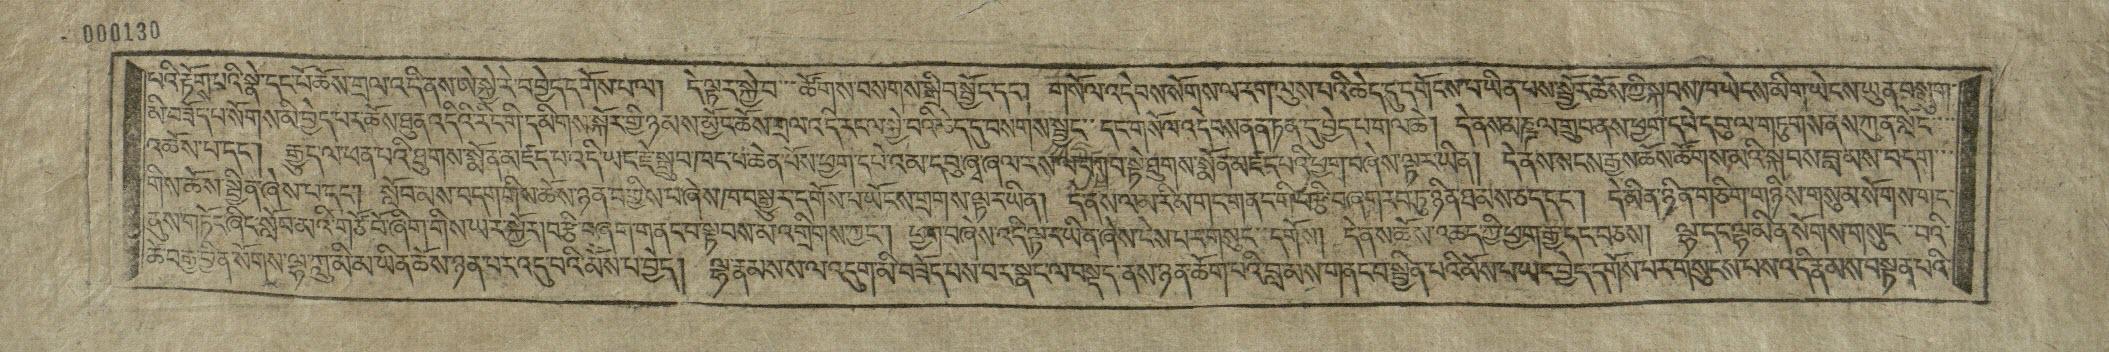པའི་རྟོགས་པའི་སྣེ་དང་པོ་ཆོས་གྲལ་འདི་ནས་ཨེ་སྒྱེ་རེ་བ་བྱེད་དགོས་པ་ལ། དེ་ལྟར་སྐྱེ་བ་ཚོགས་བསགས་སྒྲིབ་སྦྱོང་དང་། གསོལ་འདེབས་སོགས་ལ་རག་ལུས་པའི་ཆེད་དུ་དགོངས་པ་ཡིན་པས་སྦྱོར་ཆོས་ཀྱི་སྐབས་ཁ་ཡེང་མིག་ཡེངས་ཡུན་བསྒུག་
མི་བཟོད་པ་སོགས་མི་བྱེད་པར་ཆོས་ཐུན་འདིའི་རིང་གི་དམིགས་སྐོར་གྱི་ཉམས་མྱོང་ཆོས་གྲལ་འདི་རང་ལ་སྐྱེ་བའི་ཆེད་དུ་བསགས་སྦྱང་དང་གསོལ་འདེབས་ནན་ཏན་དུ་བྱེད་པ་གལ་ཆེ། དེ་ནས་མཎྜལ་གྲུབ་ནས་ཕྱག་དཔེ་དབུ་ལ་གཏུགས་ནས་ཀུན་སློང་
འཆོས་པ་དང་། རྒྱུད་ལ་ཕན་པའི་ཐུགས་སྨོན་མཛད་པ་འདི་ཡང་རྗེ་སྒྲུབ་ཁང་པ་ཆེན་པོས་ཕྱག་དཔེ་འམ་དབུ་ཞྭ་ཞལ་རས་ལ་བཀབ་སྟེ་ཐུགས་སྨོན་མཛད་པའི་ཕྱག་བཞེས་ལྟར་ཡིན། དེ་ནས་སངས་རྒྱས་ཆོས་ཚོགས་མའི་སྐབས་བླ་མས་བདག་
གིས་ཆོས་སྦྱིན་ཞེས་པ་དང་། སློབ་མས་བདག་གིས་ཆོས་ཉན་བགྱིས་པ་ཞེས་ཁ་བསྒྱུར་དགོས་པ་ཡོངས་གྲགས་ལྟར་ཡིན། དེ་ནས་ལམ་རིམ་གང་གནང་གི་བརྩི་བཞག་རབ་ཏུ་ཉིན་ཐམས་ཅད་དང་། དེ་མིན་ཉིན་གཅིག་གཉིས་གསུམ་སོགས་གང་
ནུས་གཏོང་ཞིང་སློབ་མའི་གཙོ་བོ་ཞིག་གིས་ཡར་སྐྱོར། བརྩི་བཞག་གནང་བ་སྟབས་མ་འགྲིགས་ཀྱང་། ཕྱག་བཞེས་འདི་ལྟར་ཡིན་ཞེས་ངེས་པར་གསུང་དགོས། དེ་ནས་ཆོས་འཆད་ཀྱི་ཕྱག་རྒྱ་དང་བཅས། ལྷ་དང་ལྷ་མིན་སོགས་གསུང་བའི་
ཚེ་བརྒྱ་བྱིན་སོགས་ལྷ་ཀླུ་མི་མ་ཡིན་ཆོས་ཉན་པར་འདུ་བའི་མོས་པ་བྱེད། ལྷ་རྣམས་ས་ལ་འདུག་མི་བཟོད་པས་བར་སྣང་ལ་བསྡད་ནས་ཉན་ཆོག་པའི་བླ་མས་གནང་བ་སྦྱིན་པའི་མོས་པ་ཡང་བྱེད་དགོས་པར་གསུངས་པས་འདི་རྣམས་བསྟན་པའི་